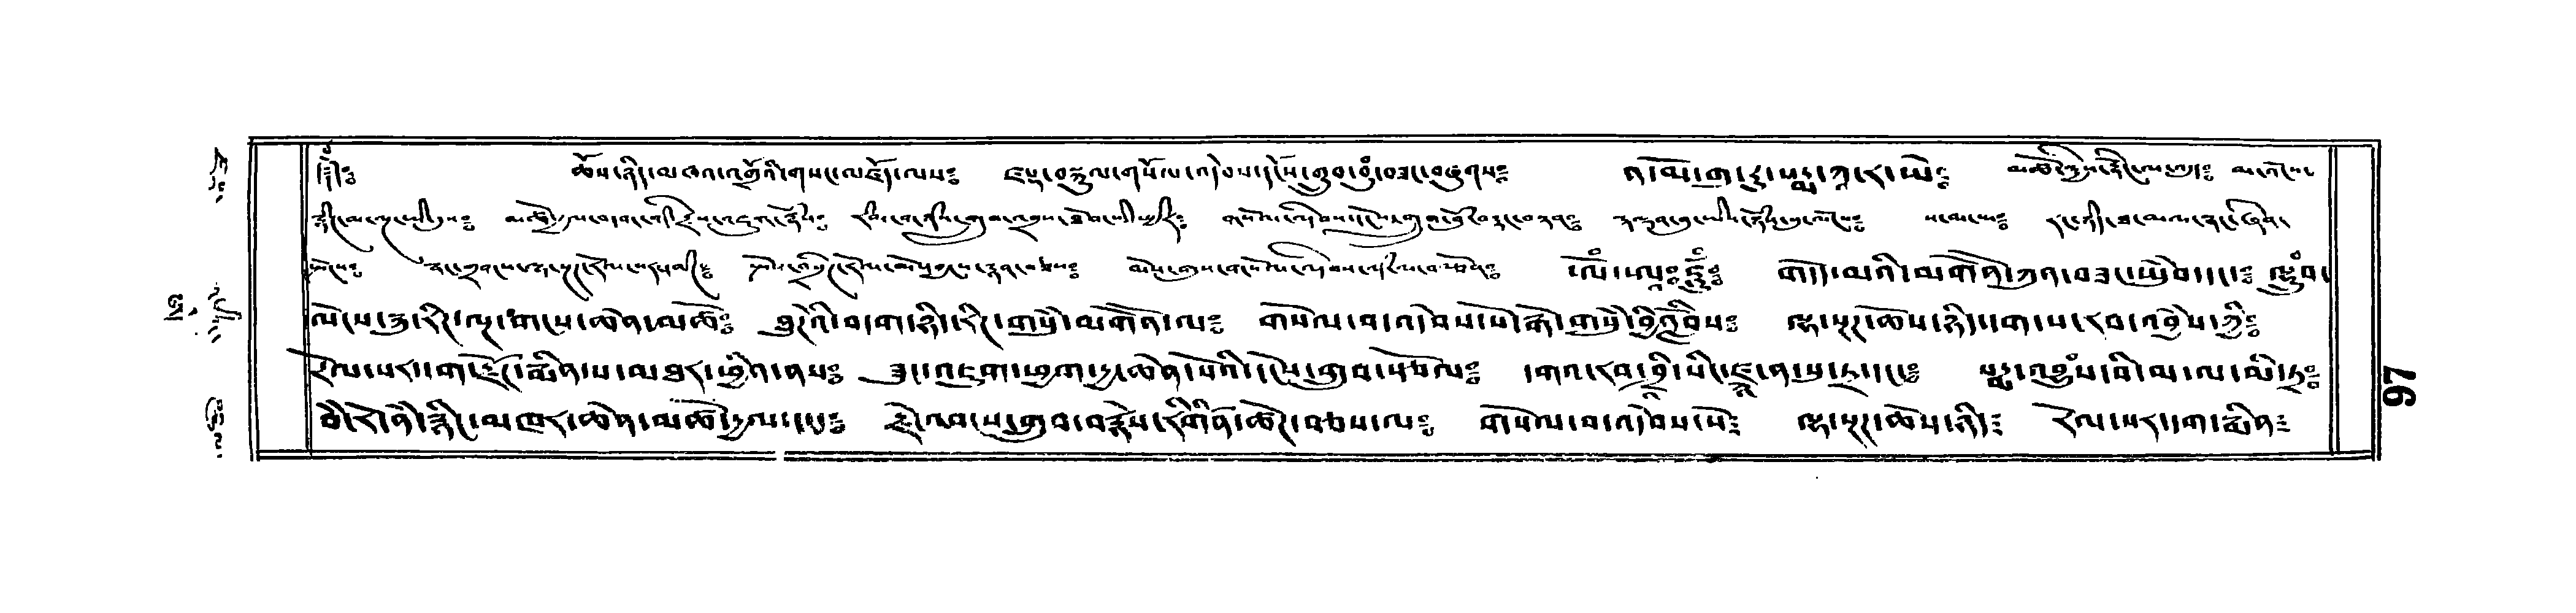ཆོས་ཉིད་མཁའ་འགྲོའི་གསང་མཛོད་ལས༔ འཛབ་བསྐུལ་གསོལ་འདེབས་དངོས་གྲུབ་བུམ་བཟང་བཞུགས༔ ན་མོ་གུ་རུ་པདྨ་ཀཱ་ར་ཡེ༔ མཚོ་སྐྱེས་རྡོ་རྗེ་འཆང་ལ་འདུད༔ མ་འོངས་
སྙིགས་མ་ལྔ་ཡི་དུས༔ མཚོ་རྒྱལ་བདག་གི་རྗེས་འཇུག་རྣམས༔ རིམ་གཉིས་གྲུབ་འབྲས་ཐོབ་པའི་ཕྱིར༔ གསོལ་འདེབས་དངོས་གྲུབ་བུམ་བཟང་བསྟན༔ སྐལ་ལྡན་བུ་ཡིས་ཉམས་སུ་ལོངས༔ ས་མ་ཡ༔ རང་ཉིད་ཐ་མལ་སྣང་ཞེན་
སྤོངས༔ སྣང་གྲགས་ལྷ་སྔགས་རོལ་པར་དམིགས༔ སྤོས་སྲེགས་རོལ་མོ་དབྱངས་སྙན་བཅས༔ མོས་གུས་གསོལ་འདེབས་འདི་ལ་བརྩོན༔ ཨོཾ་ཨཱཿཧཱུྃ༔ གདོད་མའི་མགོན་པོ་ཀུན་བཟང་ཡབ་ཡུམ་དང༔ ལྷུན་གྲུབ་
ལོངས་སྐུ་རིགས་ལྔ་གངས་ཆེན་མཚོ༔ ཐུགས་རྗེའི་བདག་ཉིད་རིགས་གསུམ་མགོན་པོ་ལ༔ གསོལ་བ་འདེབས་སོ་སྒོ་གསུམ་བྱིན་གྱིས་རློབས༔ ལྷ་སྔགས་ཆོས་ཉིད་དག་པ་རབ་འབྱམས་ཀྱི༔ 
རོལ་པར་དག་རྫོགས་སྨིན་པ་མཐར་ཕྱིན་ནས༔ ཟུང་འཇུག་ཕྱག་རྒྱ་ཆེན་པོའི་དངོས་གྲུབ་སྩོལ༔ དགའ་རབ་ཤྲཱི་སིང་ཛྙཱ་ན་སུ་ཏྲ་དང༔ པདྨ་འབྱུང་གནས་བཱི་མ་ལ་མི་ཏྲ༔ 
བཻ་རོ་ནམ་སྙིང་མཁར་ཆེན་མཚོ་རྒྱལ་དང༔ རྗེ་འབངས་གྲུབ་བརྙེས་རིག་འཛིན་ཚོགས་བཅས་ལ༔ གསོལ་བ་འདེབས་སོ༴ ལྷ་སྔགས་ཆོས་ཉིད༴ རོལ་པར་དག་རྫོགས༴